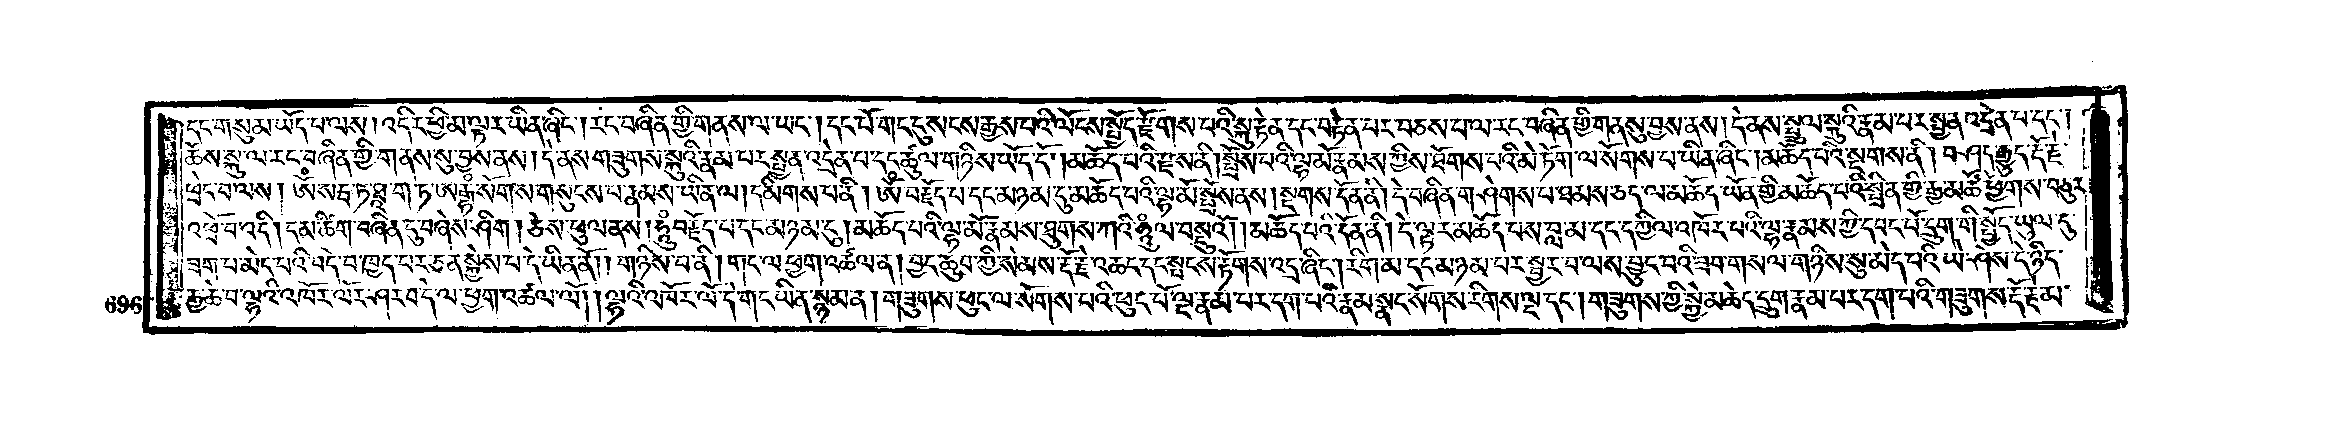དང་གསུམ་ཡོད་པ་ལས། འདིར་ཕྱི་མ་ལྟར་ཡིན་ཞིང་། རང་བཞིན་གྱི་གནས་ལ་ཡང་། དང་པོ་གང་དུ་སངས་རྒྱས་པའི་ལོངས་སྤྱོད་རྫོགས་པའི་སྐུ་རྟེན་དང་བརྟེན་པར་བཅས་པ་ལ་རང་བཞིན་གྱི་གནས་སུ་བྱས་ནས། དེ་ནས་སྤྲུལ་སྐུའི་རྣམ་པར་སྤྱན་འདྲེན་པ་དང་།
ཆོས་སྐུ་ལ་རང་བཞིན་གྱི་གནས་སུ་བྱས་ནས། དེ་ནས་གཟུགས་སྐུའི་རྣམ་པར་སྤྱན་འདྲེན་པ་དང་ཚུལ་གཉིས་ཡོད་དོ། །མཆོད་པའི་རྫས་ནི། སྤྲོས་པའི་ལྷ་མོ་རྣམས་ཀྱིས་ཐོགས་པའི་མེ་ཏོག་ལ་སོགས་པ་ཡིན་ཞིང་། མཆོད་པའི་སྔགས་ནི། བཤད་རྒྱུད་རྡོ་རྗེ་
ཕྲེང་བ་ལས། ཨོཾ་སརྦ་ཏ་ཐཱ་ག་ཏ་ཨརྒྷཾ་སོགས་གསུངས་པ་རྣམས་ཡིན་ལ། དམིགས་པ་ནི། ཨོཾ་བརྗོད་པ་དང་མཉམ་དུ་མཆོད་པའི་ལྷ་མོ་སྤྲོས་ནས། སྔགས་དོན་ནི། དེ་བཞིན་གཤེགས་པ་ཐམས་ཅད་ལ་མཆོད་ཡོན་གྱི་མཆོད་པའི་སྤྲིན་གྱི་རྒྱ་མཚོ་ཕྱོགས་བཅུར་
འཕྲོ་བ་འདི། དམ་ཚིག་བཞིན་དུ་བཞེས་ཤིག །ཅེས་ཕུལ་ནས། ཧཱུཾ་བརྗོད་པ་དང་མཉམ་དུ། མཆོད་པའི་ལྷ་མོ་རྣམས་ཐུགས་ཀའི་ཧཱུཾ་ལ་བསྡུའོ། །མཆོད་པའི་དོན་ནི། དེ་ལྟར་མཆོད་པས་བླ་མ་དང་དཀྱིལ་འཁོར་པའི་ལྷ་རྣམས་ཀྱི་དབང་པོ་དྲུག་གི་སྤྱོད་ཡུལ་དུ་
ཟག་པ་མེད་པའི་བདེ་བ་ཁྱད་པར་ཅན་སྐྱེས་པ་དེ་ཡིན་ནོ། །གཉིས་པ་ནི། གང་ལ་ཕྱག་འཚལ་ན། བྱང་ཆུབ་ཀྱི་སེམས་རྡོ་རྗེ་འཆང་དང་སྤངས་རྟོགས་འདྲ་ཞིང་། རིག་མ་དང་མཉམ་པར་སྦྱར་བ་ལས་བྱུང་བའི་ཟབ་གསལ་གཉིས་སུ་མེད་པའི་ཡེ་ཤེས་དེ་ཉིད་
རྒྱ་ཆེ་བ་ལྷའི་འཁོར་ལོར་ཤར་བ་དེ་ལ་ཕྱག་འཚལ་ལོ། །ལྷའི་འཁོར་ལོ་དེ་གང་ཡིན་སྙམ་ན། གཟུགས་ཕུང་ལ་སོགས་པའི་ཕུང་པོ་ལྔ་རྣམ་པར་དག་པའི་རྣམ་སྣང་སོགས་རིགས་ལྔ་དང་། གཟུགས་ཀྱི་སྐྱེ་མཆེད་དྲུག་རྣམ་པར་དག་པའི་གཟུགས་རྡོ་རྗེ་མ་